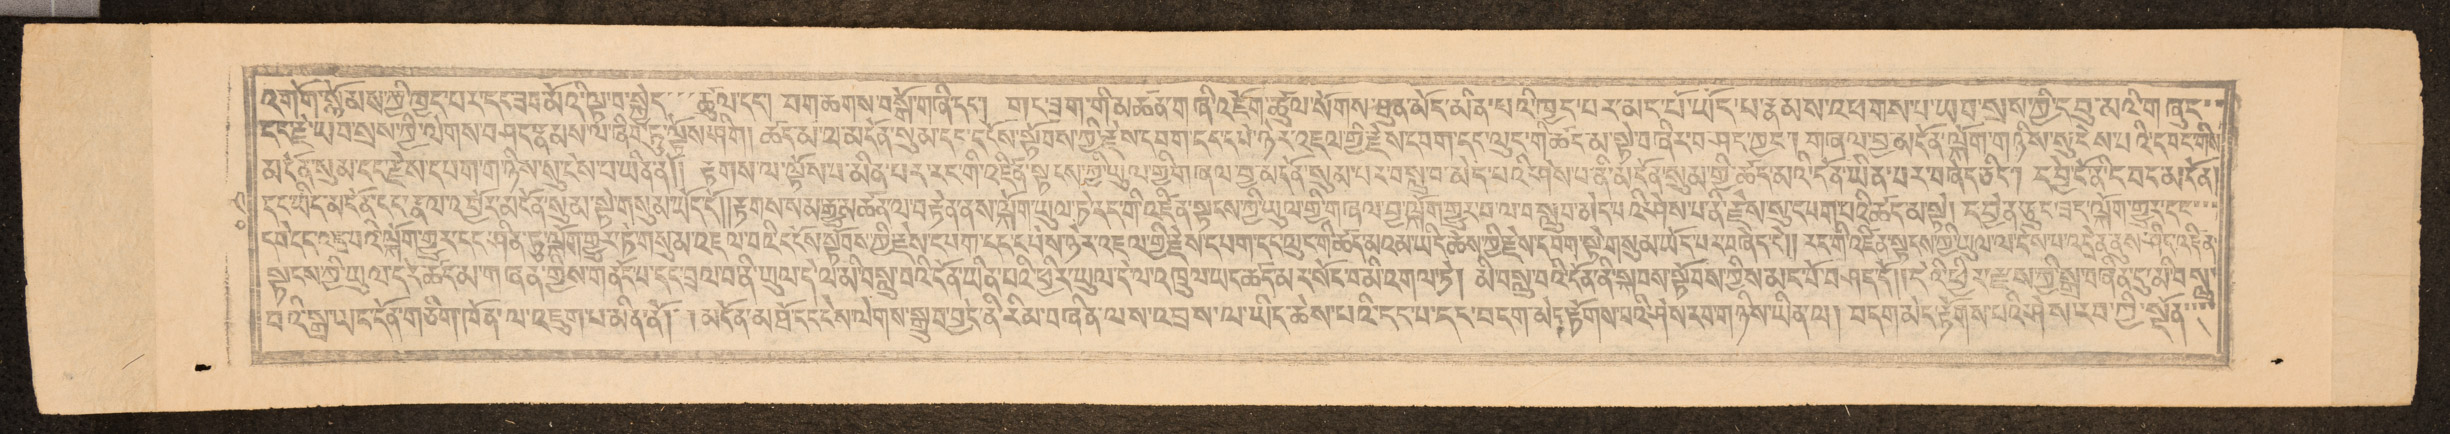འགོག་སྙོམས་ཀྱི་ཁྱད་པར་དང་ཟབ་མོའི་ལྟ་བ་སྐྱེད་ཚུལ་དང་། བག་ཆགས་བསྒོ་གཞི་དང་། གང་ཟག་གི་མཚན་གཞི་འཇོག་ཚུལ་སོགས་ཐུན་མོང་མིན་པའི་ཁྱད་པར་མང་པོ་ཡོད་པ་རྣམས་འཕགས་པ་ཡབ་སྲས་ཀྱི་དབུ་མའི་གཞུང་
དང་རྗེ་ཡབ་སྲས་ཀྱི་ལེགས་བཤད་རྣམས་ལ་ཞིབ་ཏུ་ལྟོས་ཤིག། ཚད་མ་ལ་མངོན་སུམ་དང་དངོས་སྟོབས་ཀྱི་རྗེས་བདག་དང་དཔེ་ཉེར་འཇལ་གྱི་རྗེས་དབག་དང་ལུང་གི་ཚང་མ་སྟེ་བཞིར་བཤད་ཀྱང་། གཞལ་བྱ་མངོན་ལྐོག་གཉིས་སུ་ངེས་པའི་དབང་གིས་
མངོན་སུམ་དང་རྗེས་དཔག་གཉིས་སུ་ངེས་པ་ཡིན་ནོ།། རྟགས་ལ་ལྟོས་པ་མིན་པར་རང་གི་འཛིན་སྟངས་ཀྱི་ཡུལ་གྱི་གཞལ་བྱ་མངོན་སུམ་པར་བསླུ་བ་མེད་པའི་ཤེས་པ་ནི་མངོན་སུམ་གྱི་ཚད་མའི་དོན་ཡིན་པར་བཞེད་ཅིང་། དབྱེ་ངོ་ནི་དབང་མངོན།
དང་ཡིད་མངོན་དང་རྣལ་འབྱོར་མངོན་སུམ་སྟེ་གསུམ་ཡོད་དོ།། །རྟགས་མ་རྒྱུ་མཚན་ལ་བརྟེན་ནས་ལྐོག་ཡུལ་ཏེ་རང་གི་འཛིན་སྟངས་ཀྱི་ཡུལ་གྱི་གཞལ་བྱ་ལྐོག་གྱུར་བ་ལ་བསླུ་བ་མེད་པའི་ཤེས་པ་ནི་རྗེས་སུ་དཔག་པའི་ཚད་མ་སྟེ། དབྱེ་ན་ཅུང་ཟད་ལྐོག་གྱུར་དང་
དཔེ་དང་འདྲ་བའི་ལྐོག་གྱུར་དང་ཤིན་ཏུ་ལྐོག་གྱུར་ཏེ་གསུམ་འཇལ་བའི་དངོས་སྟོབས་ཀྱི་རྗེས་དཔག་དང་དཔེས་ཉེར་འཇལ་གྱི་རྗེས་དཔག་དང་ལུང་གི་ཚད་མའམ་ཡིད་ཆེས་ཀྱི་རྗེས་དཔག་སྟེ་གསུམ་ཡོད་པར་བཞེད་དེ།། རང་གི་འཛིན་སྟངས་ཀྱི་ཡུལ་ལ་ངེས་པ་འདྲེན་ནུས་ཤིང་འཛིན་
སྟངས་ཀྱི་ཡུལ་དེར་ཚད་མ་གཞན་གྱིས་གནོད་པ་དང་བྲལ་བ་ནི་ཡུལ་དེ་ལ་མི་བསླུ་བའི་དོན་ཡིན་པའི་ཕྱིར་ཡུལ་དེ་ལ་འཁྲུལ་ཡང་ཚད་མར་སོང་བ་མི་འགལ་ཏེ། མི་བསླུ་བའི་དོན་ནི་སྐབས་སྟོབས་ཀྱིས་མང་བོ་བཤད་དོ།། དེའི་ཕྱིར་རྫས་ཀྱི་སྒྲ་བཞིན་དུ་མི་བསླུ་
བའི་སྒྲ་ཡང་དོན་གཅིག་ཁོ་ན་ལ་འཇུག་པ་མིན་ནོ། །མངོན་མཐོ་དང་ངེས་ལེགས་སྒྲུབ་བྱེད་ནི་རིམ་བཞིན་ལས་འབྲས་ལ་ཡིད་ཆེས་པའི་དད་པ་དང་བདག་མེད་རྟོགས་པའི་ཤེས་རབ་གཉིས་ཡིན་ལ། བདག་མེད་རྟོགས་པའི་ཤེས་རབ་ཀྱི་སྔོན་